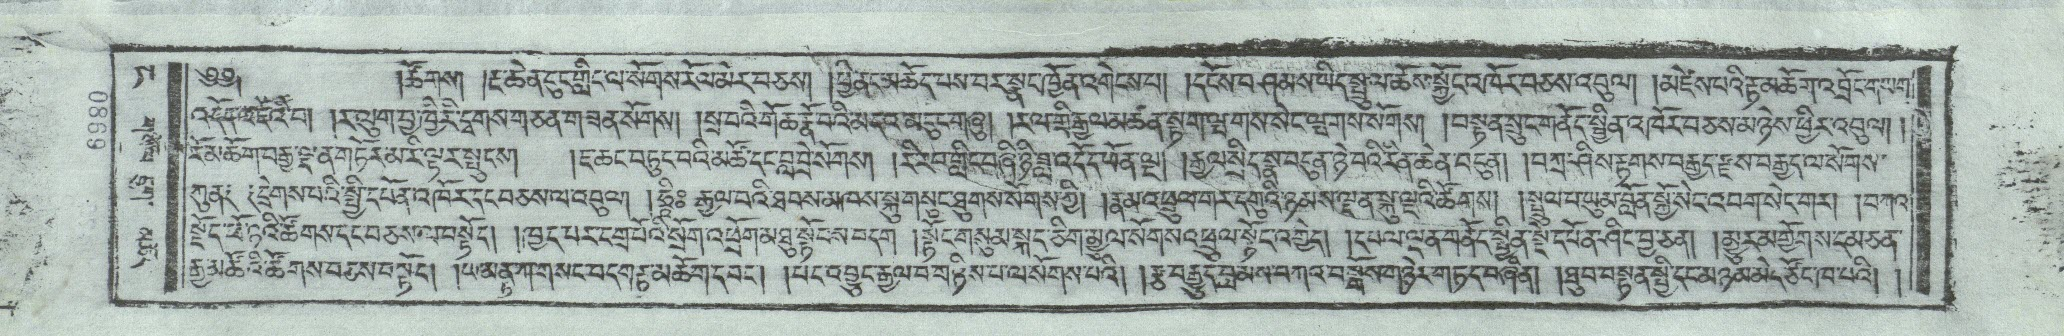༄༅། །ཚོགས། །རྗ་ཆེན་དུང་གླིང་ལ་སོགས་རོལ་མེར་བཅས། །ཕྱི་ནང་མཆོད་པས་བར་སྣང་ཁྱོན་འགེངས་པ། །དངོས་བཤམས་ཡིད་སྤྲུལ་ཆོས་སྐྱོང་འཁོར་བཅས་འབུལ། །མཛེས་པའི་རྟ་མཆོག་འབྲོང་གཡས་
འདོད་འཇོའི་བ། །ར་ལུག་བྱ་ཁྱི་རི་དྭགས་གཅན་གཟན་སོགས། །སྲ་པའི་གོ་ཆ་རྣོ་བའི་མདའ་མདུང་གཞུ། །རལ་ཇི་རྒྱལ་མཚན་སྟག་ཝགས་སེང་ཝགས་སོགས། །བསྟན་སྲུང་གནོད་སྦྱིན་འཁོར་བཅས་མཉེས་ཕྱིར་འབུལ། །
རོ་མཆོག་བརྒྱ་ལྡན་གཏོར་མ་རི་ལྟར་སྤུངས། །ཇ་ཆང་བཏུང་བའི་མཚོ་དང་བླ་བྲེ་སོགས། །རི་རབ་གླིང་བཞི་ཉི་ཟླ་འདོད་ཡོན་ལྔ། །རྒྱལ་སྲིད་སྣ་བདུན་ཉེ་བའི་རིན་ཆེན་འདུན། །བཀྲ་ཤིས་རྟགས་བརྒྱད་རྫས་བརྒྱད་ལ་སོགས་
ཀུན༑ ༑དྲེགས་པའི་སྤྱི་དཔོན་འཁོར་དང་བཅས་ལ་འབུལ། །ཧྲཱིཿ རྒྱལ་བའི་ཐབས་མཁས་སྐུ་གསུང་ཐུགས་སོགས་ཀྱི། །རྣམ་འཕྲུལ་གར་དགུའི་ཉམས་ལྡན་ཚོགས། །སྤྲུལ་པ་ཡུམ་བློན་སྐྱེ་སེང་འབག་སེང་གར། །བཀའ་
སྡོད་ཕོ་ཉའི་ཚོགས་དང་བཅས་ལ་བསྟོད། །ཁྱད་པར་དགྲ་པོའི་སྲོག་འཕྲོག་མཐུ་སྟོབས་བདག །སྟོང་གསུམ་སྐད་ཅིག་མྱུལ་སོགས་འཕྲུལ་སྟོང་འགྱེད། །དཔལ་ལྡན་གནོད་སྤྱིན་སྡེ་དཔོན་ཤིང་བྱ་ཅན། །མྱུར་མགྱོགས་དམ་ཅན་
རྒྱ་མཚོའི་ཚོགས་བཅས་བསྟོང་། །ཡ་མནྟ་ཀ་གསང་བདག་རྟ་མཆོག་དབང་། །པང་འབྱུང་རྒྱལ་བ་གཉིས་པ་ལ་སོགས་པའི། །རྩ་བརྒྱུད་བླ་མས་བཀའ་བསྒོས་གཉེར་གཏད་བཞིན། །ཐུབ་བསྟན་སྤྱི་དང་མཉམ་མེད་ཙོང་ཁ་པའི། །